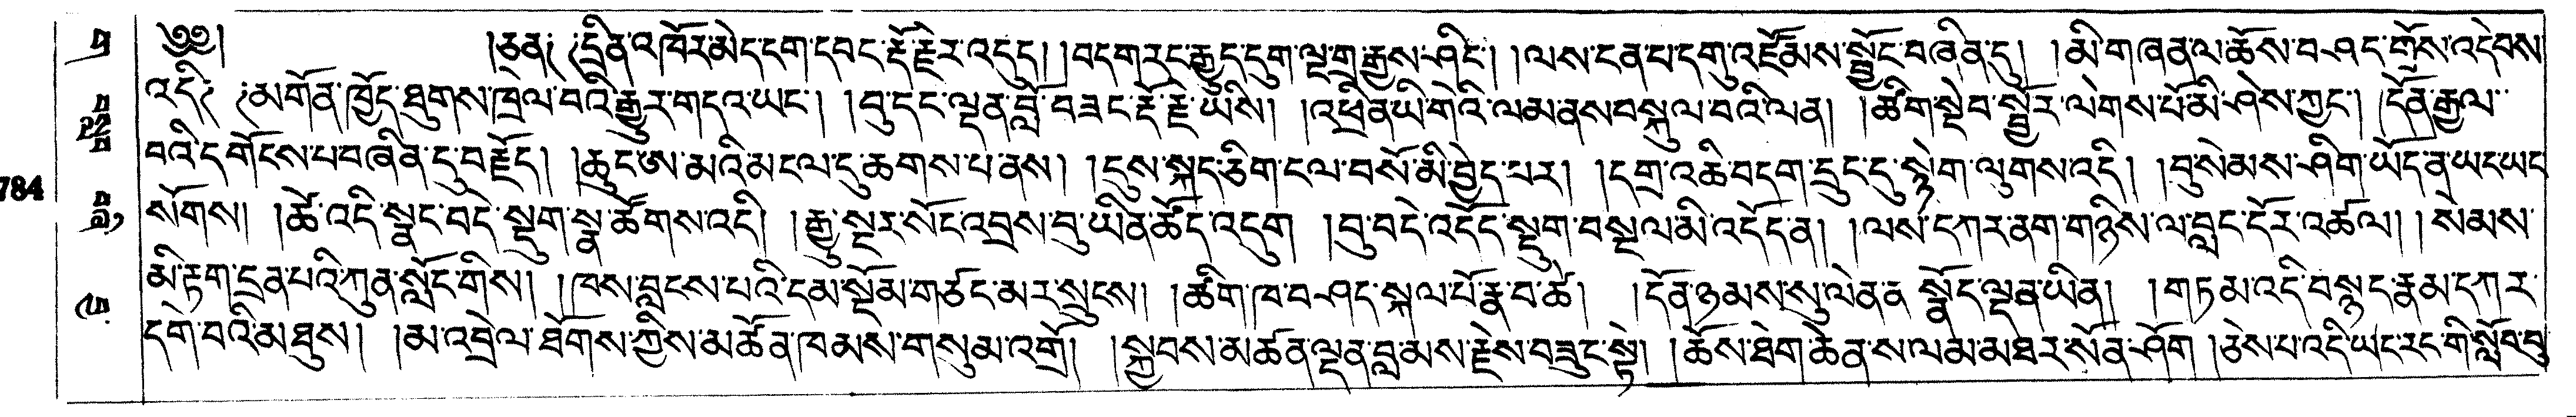༄༅། །ཅན༑ ༑དྲིན་འཁོར་མེད་ངག་དབང་རྡོ་རྗེར་འདུད། །བདག་རང་རྒྱུད་དུག་ལྔ་གྲ་རྒྱས་ཤིང་། །ལས་ངན་པ་དགུ་འཛོམས་སྦྱོང་བཞིན་དུ། །མི་གཞན་ལ་ཆོས་བཤད་གྲོས་འདེབས་
འདི༑ ༑མགོན་ཁྱོད་ཐུགས་ཁྲེལ་བའི་རྒྱུར་གདའ་ཡང་། །བུ་དང་ལྡན་བློ་བཟང་རྡོ་རྗེ་ཡིས། །འཕྲིན་ཡི་གེའི་ལམ་ནས་བསྐུལ་བའི་ལན། །ཚིག་སྡེབ་སྦྱོར་ལེགས་པོ་མི་ཤེས་ཀྱང་། །དོན་རྒྱལ་
བའི་དགོངས་པ་བཞིན་དུ་བརྗོད། །ཆུང་ཨ་མའི་མངལ་དུ་ཆགས་པ་ནས། །དུས་སྐད་ཅིག་ངལ་བསོ་མི་བྱེད་པར། །དགྲ་འཆི་བདག་དྲུང་དུ་སྙེག་ལུགས་འདི། །བུ་སེམས་ཤིག་ཡོད་ན་ཡང་ཡང་
སོགས། །ཚེ་འདི་སྣང་བདེ་སྡུག་སྣ་ཚོགས་འདི། །རྒྱུ་སྔར་སོང་འབྲས་བུ་ཡིན་ཚོད་འདུག །བུ་བདེ་འདོད་སྡུག་བསྔལ་མི་འདོད་ན། །ལས་དཀར་ནག་གཉིས་ལ་བླང་དོར་འཚལ། །སེམས་
མི་རྟག་དྲན་པའི་ཀུན་སློང་གིས། །ཁས་བླངས་པའི་དམ་སྡོམ་གཙང་མར་སྲུངས། །ཚིག་ཁ་བཤད་སྐལ་པོ་རྣ་བ་ཚེ། །དོན་ཉམས་སུ་ལེན་ན་སྣོད་ལྡན་ཡིན། །གཏམ་འདི་བསྙད་རྣམ་དཀར་
དགེ་བའི་མཐུས། །མ་འབྲེལ་ཐོགས་ཀྱིས་མཚོན་ཁམས་གསུམ་འགྲོ། །སྐྱབས་མཚན་ལྡན་བླ་མས་རྗེས་བཟུང་སྟེ། །ཆོས་ཐེག་ཆེན་ས་ལམ་མཐར་སོན་ཤོག །ཅེས་པ་འདི་ཡང་རང་གི་སློབ་བུ་